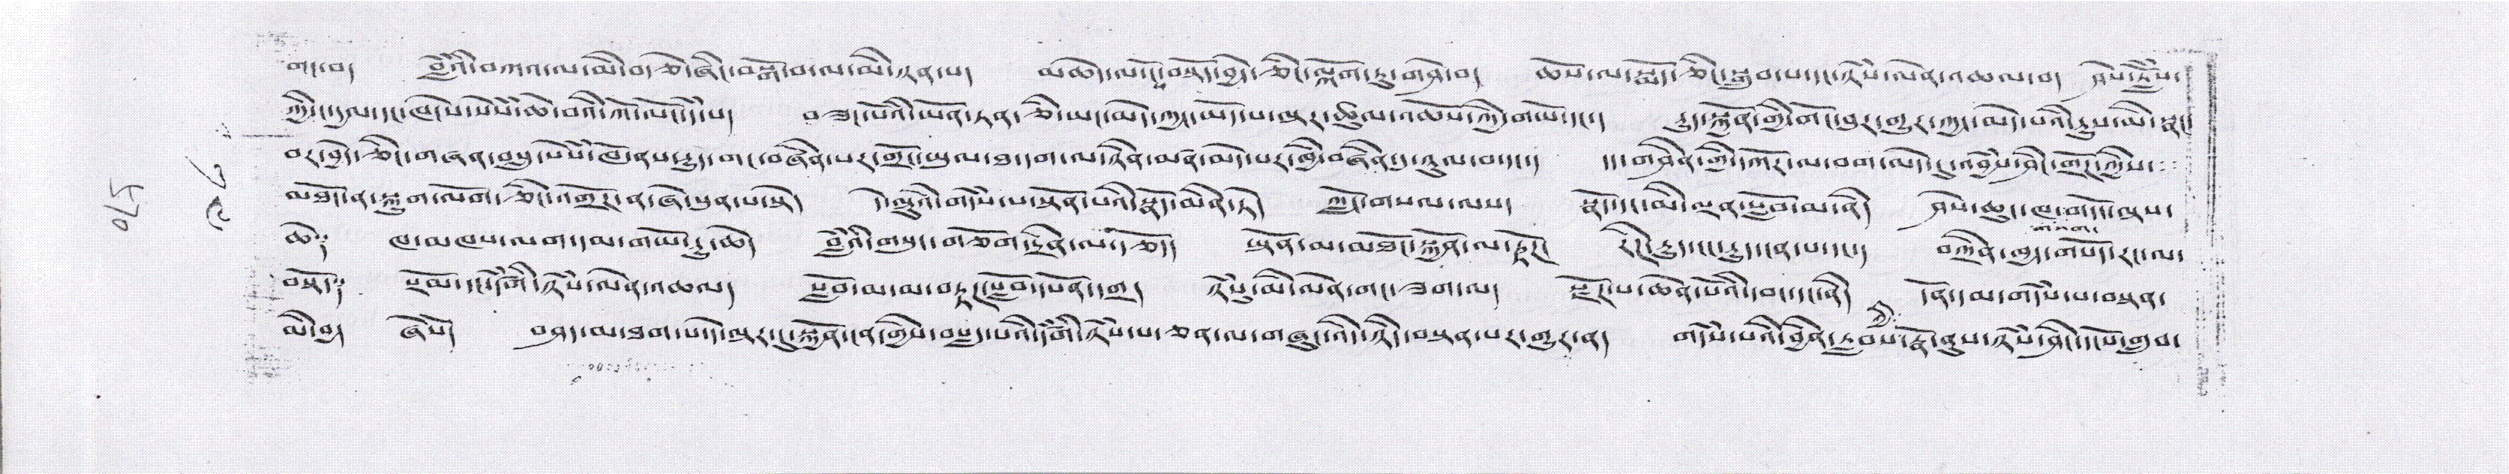གང་བ། བླ་མའི་བཀའ་ལ་མི་བརྩི་ཞིང་བསྒོ་བ་ལ་མི་ཉན་པ། མཆེད་ལ་ངོ་བསྟོད་བྱེད་ཅིང་ལྐོག་ཏུ་གཤེ་བ། ཆོས་ལ་སྨོད་ཅིང་སྒྲུབ་པ་དང་ཉམས་ལེན་འཆལ་བ། ཤེས་རློམ་
གྱི་ང་རྒྱལ་དང་ཁེངས་སེམས་ཆེ་བའི་ཀོ་ལོང་དམ་པ། བཟང་པོའི་ཡོན་ཏན་ཅི་ཡང་མེད་ཀྱང་ཡོད་པ་ལྟར་ཚུལ་འཆོས་ཀྱི་གཡོ་དང་། རྒྱུད་སྐྱོན་གྱི་གོང་བུར་གྱུར་ཀྱང་མེད་པའི་རྒྱུས་མི་སྣང་
བར་བྱེད་ཅིང་གཞན་བསླུ་སེམས་ཁོ་ནས་རྒྱུད་གང་བཞིན་པར་གྲོང་ཡུལ་མཐའ་དག་ལ་ཉིན་མཚན་མེད་པར་ཁྱི་བཞིན་དུ་ཉུལ་བ་དང་། དད་གཤིན་གྱི་དཀོར་ལ་བག་མེད་དུ་འབྱམས་ཤིང་གྲོགས་ཀྱིས་
མཐོང་ན་སྐྱུག་ལོག་ཅིང་འགྲོགས་ན་ཞེ་སུན་པ་སྟེ། ད་ལྟ་བུ་གདམས་པ་སྟོན་པའི་སྣོད་མིན་ཏེ། ཀློང་གསལ་ལས། སྣོད་དང་མི་ལྡན་སློབ་མ་ནི། །ཤེས་ཆུང་ཁ་གསག་གདོང་བལྟས་
ཆེ། །ཁ་མཁས་ལག་དལ་གཡོ་སྒྱུ་ཆེ། །བླ་མའི་བཀའ་བཅག་དྲིན་ལ་རྩོད། །ཡོན་ཏན་མ་མཐོང་སྐྱོན་ལ་རྟོག །རིགས་རྒྱུད་ངང་རྒྱུད་ངན་པ་དང་། །བཀའ་དྲིན་ཁྱད་གསོད་རང་ལ་
བསྟོད། །སྡོམ་དང་དམ་ཚིག་ཉམས་ལེན་འཆལ། །སློབ་མ་མ་བརྟགས་སློབ་དཔོན་དགྲ། །ཉམས་སུ་མི་ལེན་གང་ཟག་ལ། །རྫོགས་པ་ཆེན་པོའི་དབང་དང་ནི། །དོན་དམ་གདམས་པ་བསྟན་
མི་བྱ། །ཞེས་སོ། །བཤད་མ་ཐག་པ་དེ་ལྟར་དུ་སྐྱོན་ངན་གྱིས་བསླད་པའི་དམ་ཚིག་ཉམས་པ་ཅན་ལ་གཞུང་འདི་ཉིད་བསྟན་པར་གྱུར་ན། གདམས་པའི་བྱིན་རླབས་ཀྱི་རྣོ་ནུས་ཉམས་ཤིང་དངོས་གྲུབ་